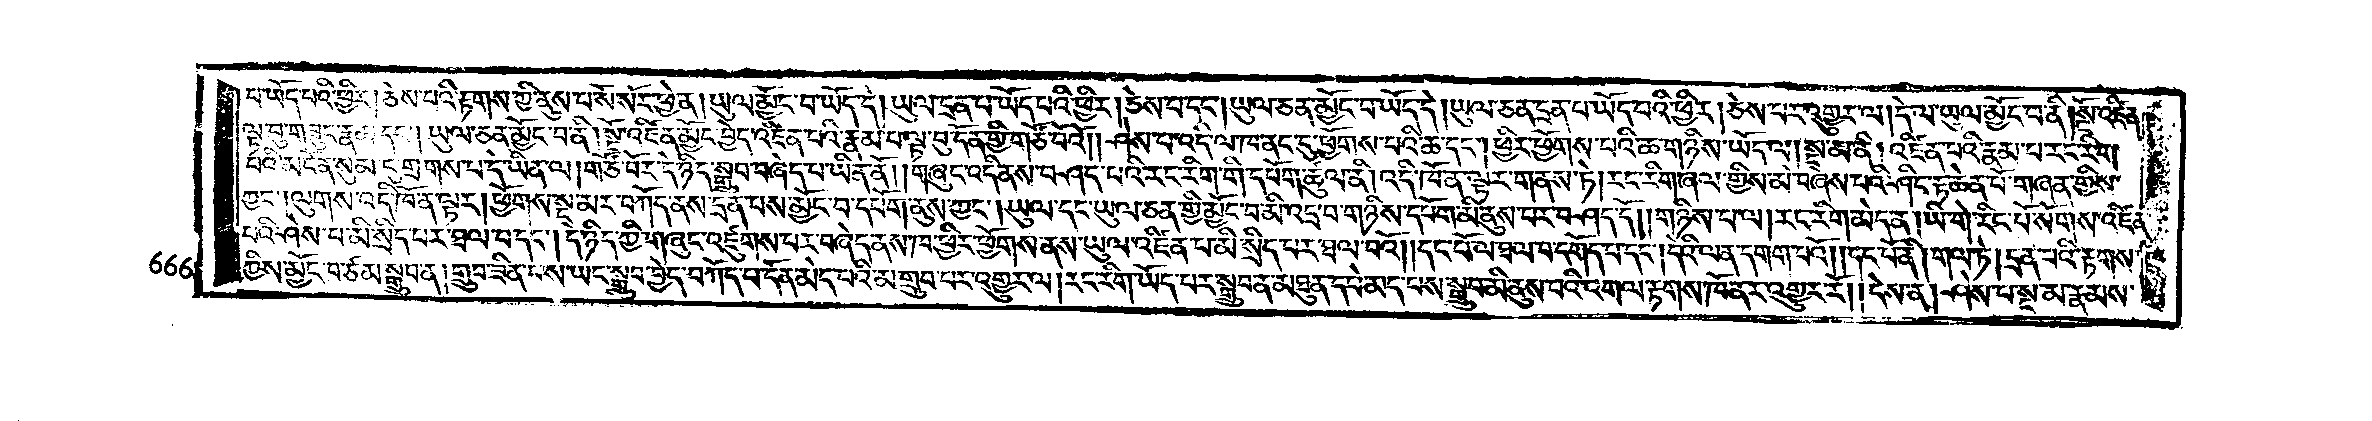པ་ཡོད་པའི་ཕྱིར། ཅེས་པའི་རྟགས་ཀྱི་ནུས་པ་སོ་སོར་ཕྱེ་ན། ཡུལ་མྱོང་བ་ཡོད་དེ། ཡུལ་དྲན་པ་ཡོད་པའི་ཕྱིར། ཅེས་པ་དང་། ཡུལ་ཅན་མྱོང་བ་ཡོད་དེ། ཡུལ་ཅན་དྲན་པ་ཡོད་པའི་ཕྱིར། ཅེས་པར་འགྱུར་ལ། དེ་ལ་ཡུལ་མྱོང་བ་ནི། སྔོ་འཛིན་
ལྟ་བུ་གཟུང་རྣམ་དང་། ཡུལ་ཅན་མྱོང་བ་ནི། སྔོ་འཛིན་མྱོང་བྱེད་འཛིན་པའི་རྣམ་པ་ལྟ་བུ་དོན་གྱི་གཙོ་བོའོ། །ཤེས་པ་འདི་ལ་ཁ་ནང་དུ་ཕྱོགས་པའི་ཆ་དང་། ཕྱིར་ཕྱོགས་པའི་ཆ་གཉིས་ཡོད་ལ། སྔ་མ་ནི། འཛིན་པའི་རྣམ་པ་རང་རིག་
པའི་མངོན་སུམ་དུ་གྲགས་པ་དེ་ཡིན་ལ། གཙོ་བོར་དེ་ཉིད་སྒྲུབ་བཞེད་པ་ཡིན་ནོ། །གཞུང་འདི་ནས་བཤད་པའི་རང་རིག་གི་དཔོག་ཚུལ་ནི། འདི་ཁོ་ན་ལྟར་གནས་ཏེ། རང་རིག་ཞལ་གྱིས་མེ་བཞེས་པའི་ཤིང་རྟ་ཆེན་པོ་གཞན་གྱིས་
ཀྱང་། ལུགས་འདི་ཁོ་ན་ལྟར། ཕྱོགས་སྔ་མར་བཀོད་ནས་དྲན་པས་མྱོང་བ་དཔོག་ནུས་ཀྱང་། ཡུལ་དང་ཡུལ་ཅན་གྱི་མྱོང་བ་མི་འདྲ་བ་གཉིས་དཔོག་མི་ནུས་པར་བཤད་དོ། །གཉིས་པ་ལ། རང་རིག་མེད་ན། ཡི་གེ་རིང་པོ་སོགས་འཛིན་
པའི་ཤེས་པ་མི་སྲིད་པར་ཐལ་བ་དང་། དེ་ཉིད་ཀྱི་གཞུང་འཛུགས་པར་བཞེད་ནས་ཁ་ཕྱིར་ཕྱོགས་ནས་ཡུལ་འཛིན་པ་མི་སྲིད་པར་ཐལ་བའོ། །དང་པོ་ལ་ཐལ་བ་དགོད་པ་དང་། དེའི་ལན་དགག་པའོ། །དང་པོ་ནི། གལ་ཏེ། དྲན་པའི་རྗགས་
ཀྱིས་མྱོང་བ་ཙམ་སྒྲུབ་ན། གྲུབ་ཟིན་པས་ཡང་སྒྲུབ་བྱེད་བཀོད་པ་དོན་མེད་པའི་མ་གྲུབ་པར་འགྱུར་ལ། རང་རིག་ཡོད་པར་སྒྲུབ་ན་མཐུན་དཔེ་མེད་པས་སྒྲུབ་མི་ནུས་པའི་འགལ་རྟགས་ཁོ་ནར་འགྱུར་རོ། །དེས་ན། ཤེས་པ་སྔ་མ་རྣམས་